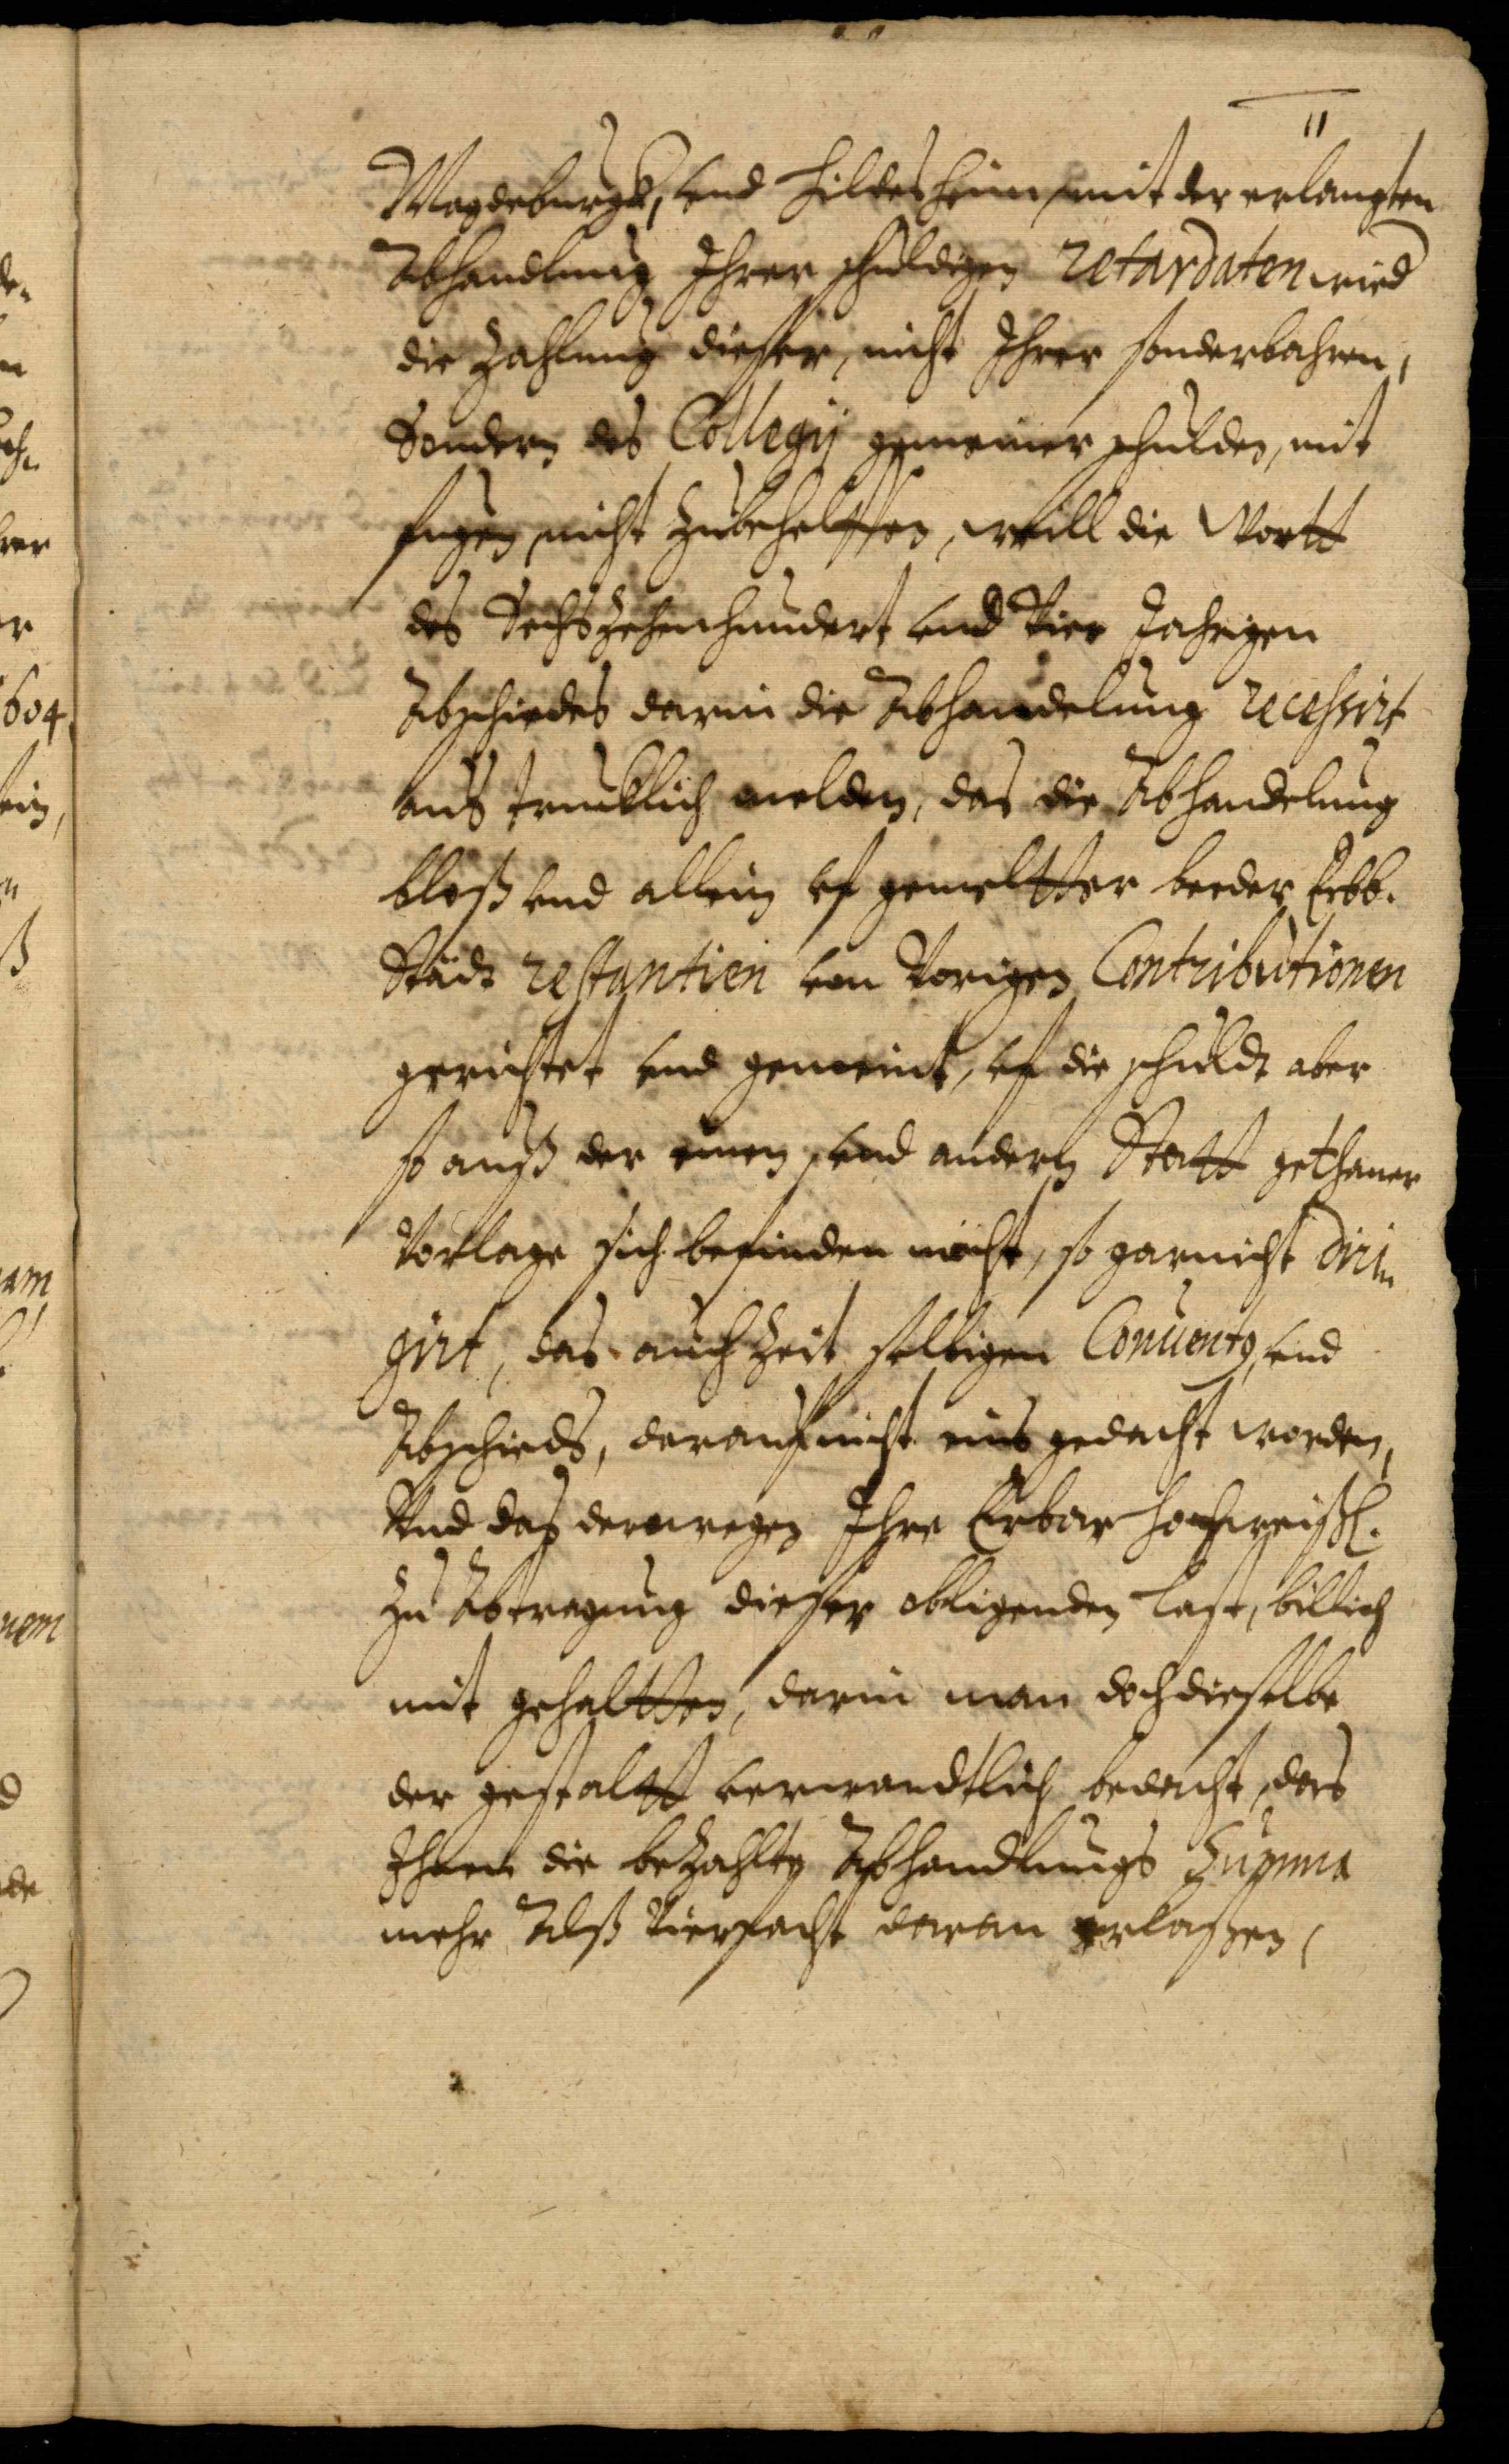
11
Magdeburgk, vnd Hildesheim mit der erlangten
Abhandlung Ihrer schuldigen retardaten wieder
die zahlung dieser, nicht Ihrer sonderbahren,
sondern des Collegij gemeiner schulden, mit
fugen nicht zubehaltten, weill die Wortt
des Sechszehnhundert vnd vier Jahrigen
Abschieds darin die Abhandlung recessirt
aus trucklich melden, das die Abhandlung
bloß vnd allein vf gemeltten beeder Erbb.
Städt restantien von vorigen Contributionen
gerichtet vnd gemeint, vf die schuldt aber
so auß der einen vnd andern Statt gethaner
vorlage sich befinden möcht, so garnicht diri¬
girt, das auch zeit selbigem Conuento, vnd
Abschieds, darauf nicht eins gedacht worden
vnd das derowegen Ihre Erbar hochweißl.
zu Abtragung diesern obligenden last, billich
mit gehaltten, darin man doch dieselbe
der gestaltt verwandtlich bedacht, das
Ihnen die bezahlte Abhandlungs Summa
mehr Alß Vierfacht daran erlaßen,
